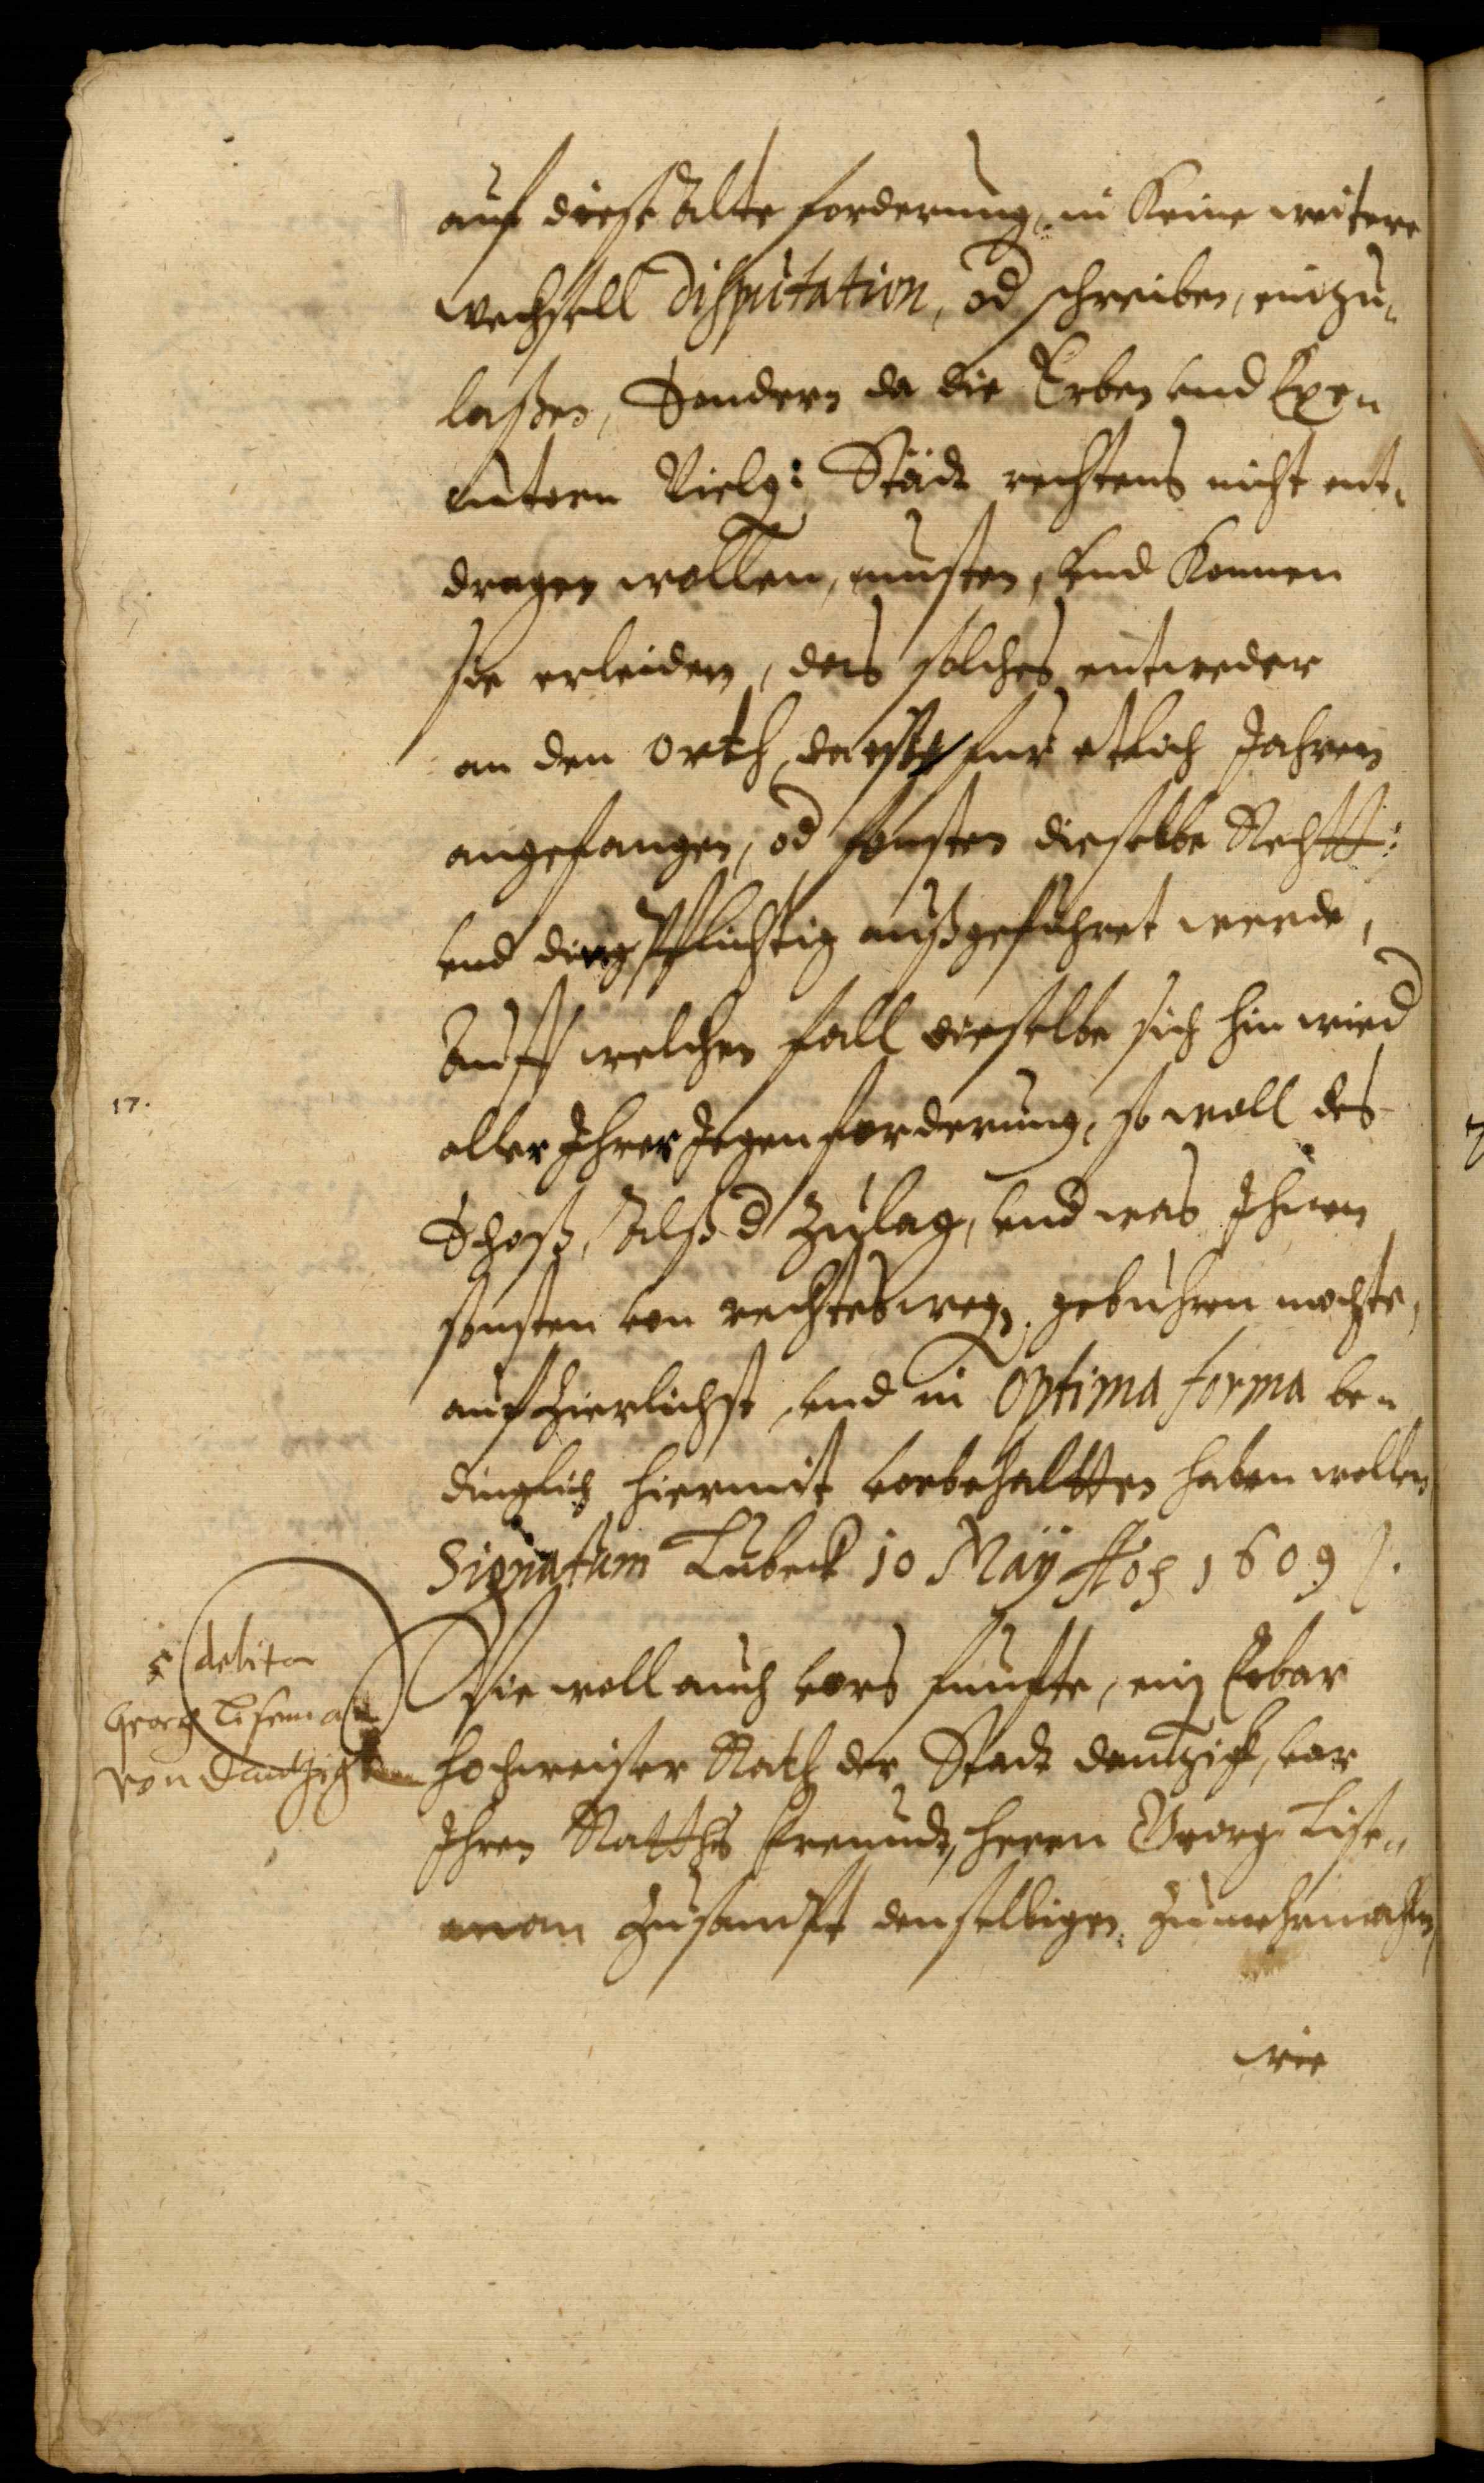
auf diese Alte forderung, in keine weitere
wechsell disputation, oder schreiben, einzu¬
laßen, Aondern da die Erben vnd Exe¬
cutorn Vielg: Städt rechtens nicht ent¬
dragen wollen, musten, vnd konnen
sie erleiden, das solches entweder
an den Orth, da eß fur etlich Jahren
angefangen, oder sonsten dieselbe Rehtt:
vnd ding Pflichtig außgefuhret werde,
Auff welchen fall dieselbe sich hin wieder
aller Ihrer Jegenforderung, so woll des
Schoß, Alß der zulag, vnd was Ihnen
sonsten von rechtes wegen gebuhren mochte,
auf zierlichst vnd in optima forma be¬
dinglich hiermit vorbehaltten haben wollen
Signatum Lubeck 10 Maij Ao p 1609 /.
Wie woll auch vors funfte, ein Erbar
hochweiser Rath der Stadt dantzigk, vor
Ihren Ratthes freundt, herrn Georg Lise¬
man zu sampt den selbigen, zu mehrmahlen,
wie
17.
5 debitor
Georg Liseman
von Dantzigk
